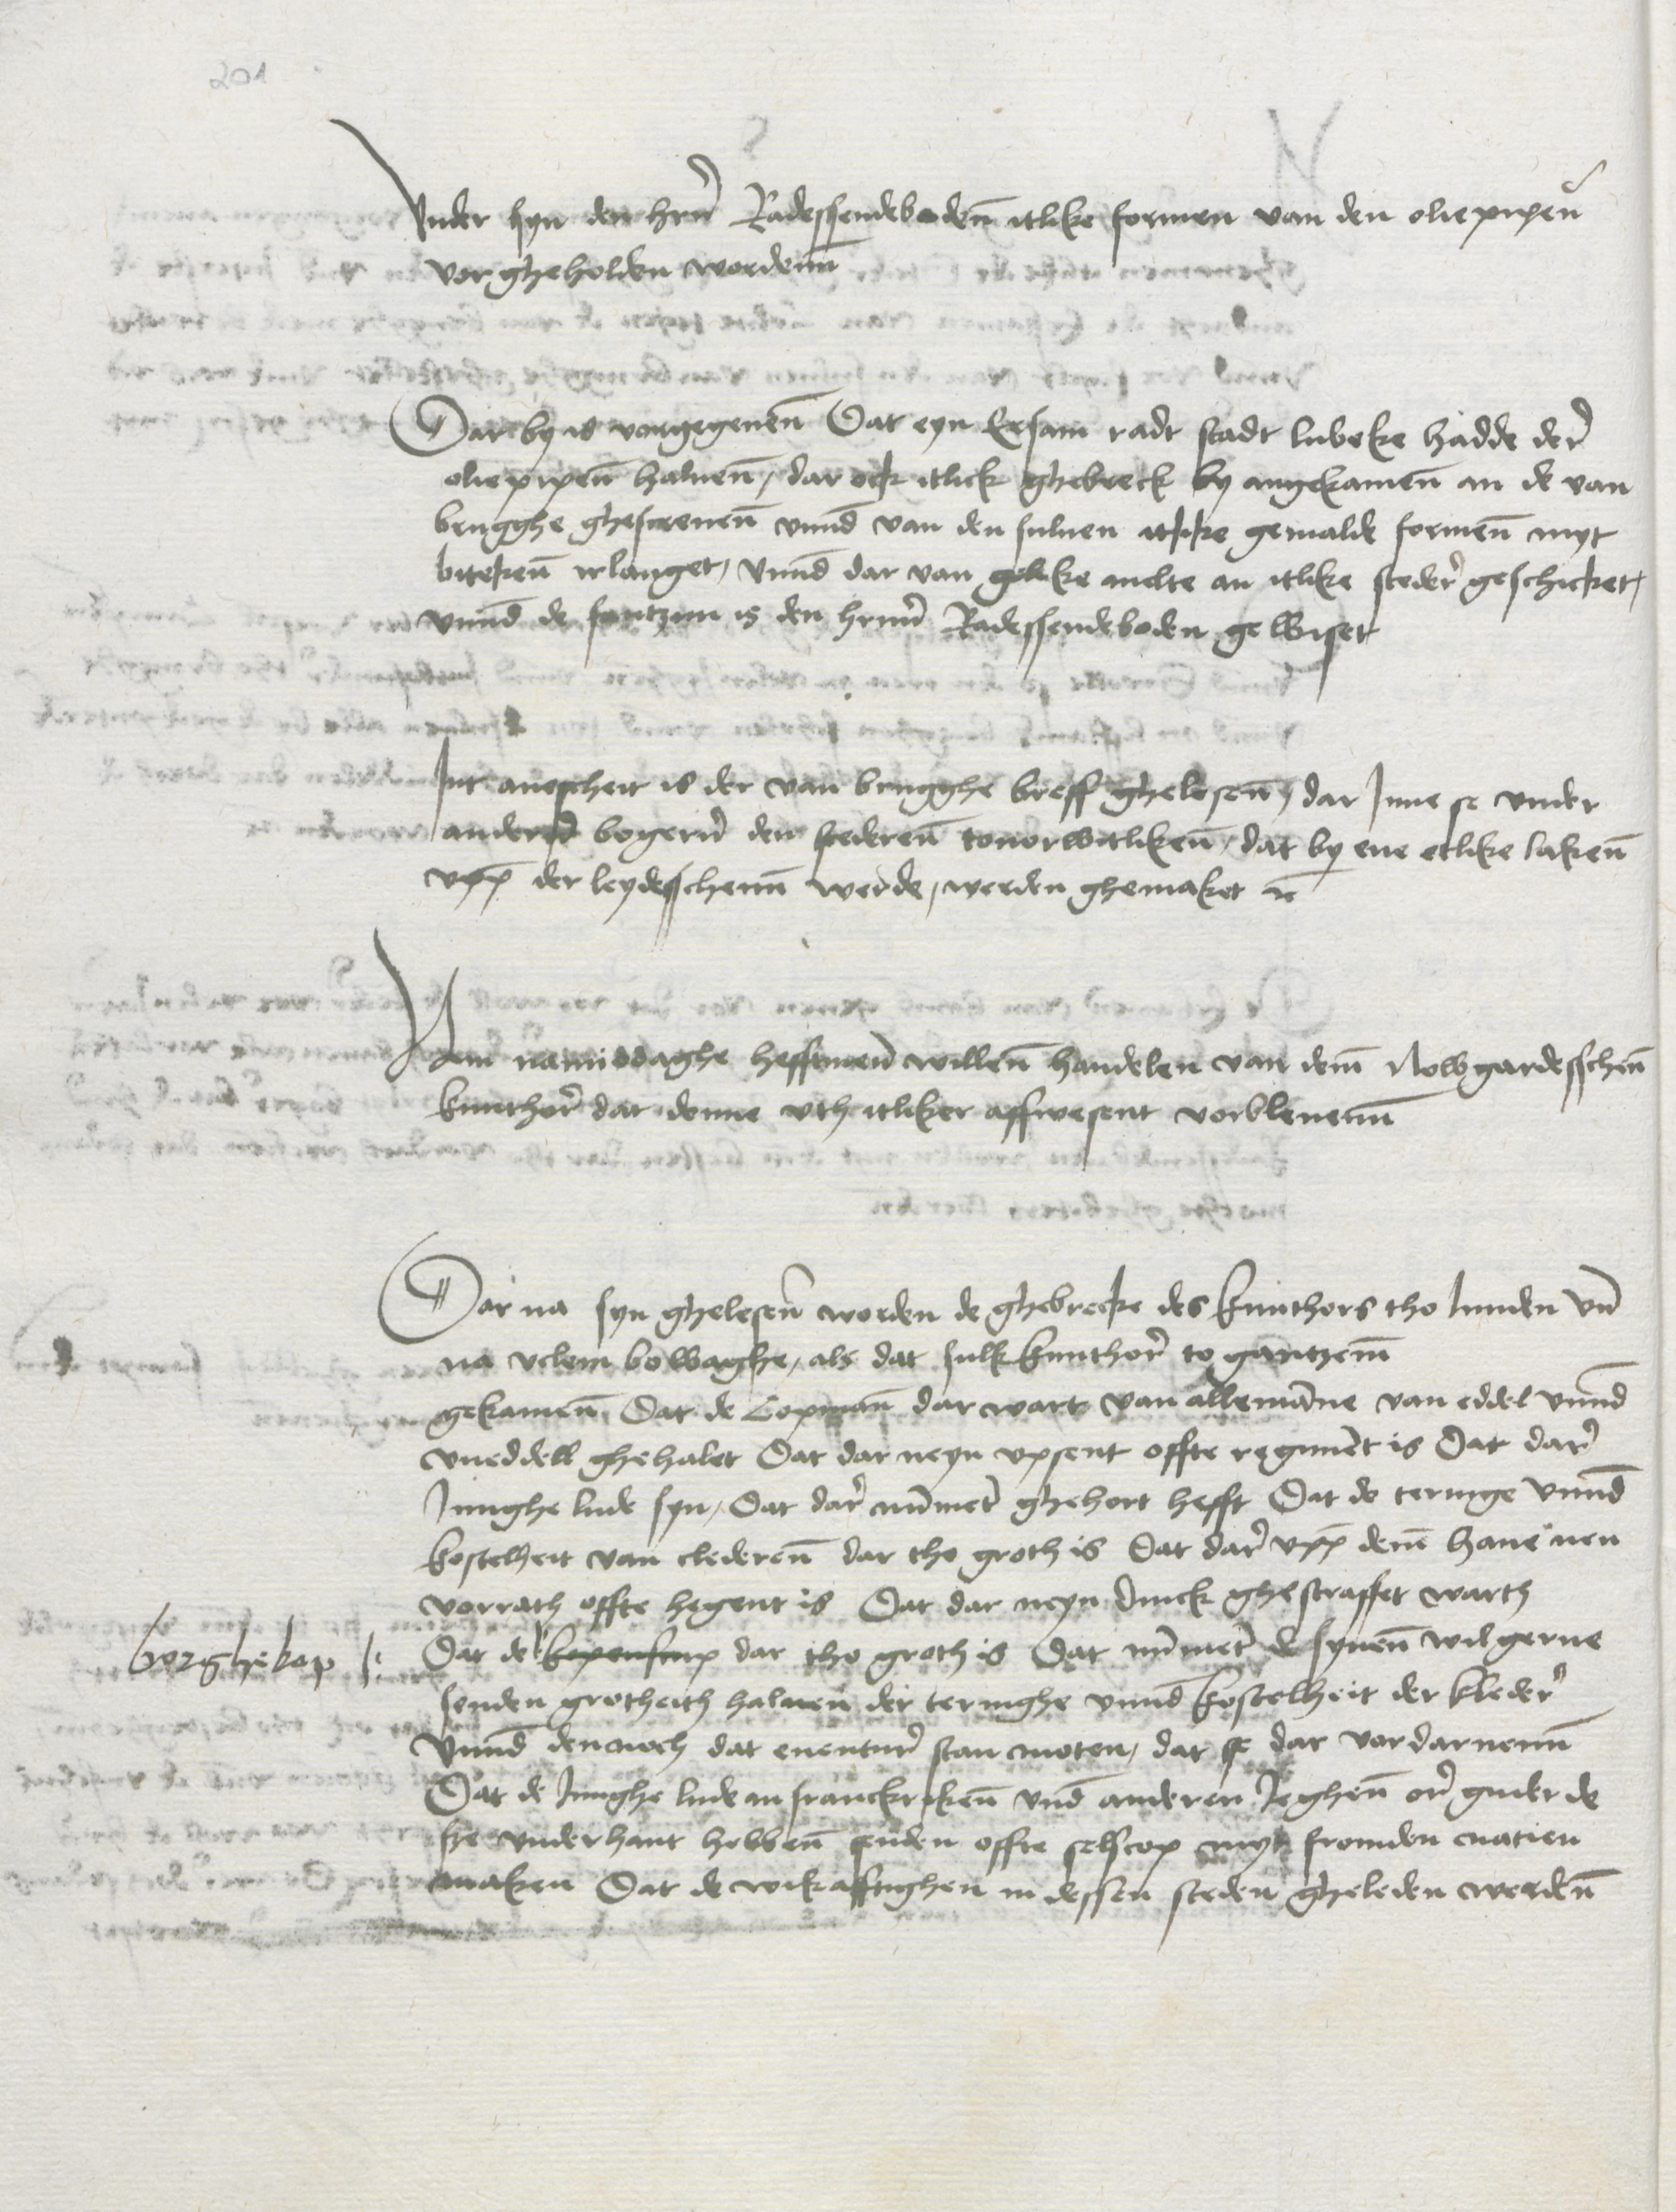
201
Vnder syn den heren Radessendebodenn itlike formen van den oliepipenn
vorgheholden wordenne.
Dar by is vorgegeuenn Dat eyn Ersam radt stadt Lubeke hadde der
oliepipenn haluenn, dar ock itlick ghebreck by angekamenn an de van
Brugghe ghescreuenn vnnde van den suluen itlike gemalde formenn myt
bitekenn irlanget, vnnde dar van gelike melte an itlike steder geschicket,
vnnde de fantzem is den herenn Radessendeboden gewiset.
Jnt auescheit is der van Brugghe breff ghelesenn, dar Jnne se vnder
anderen bogern den stederenn touorwitlikenn, dat by ene etlike sakenn
vppe der leydeschenne werde, werden ghemaket etcetera.
Am namiddaghe hefftmenn willenn handelen van deme Nowgardesschenn
kunthor dat denne vth itliker affwesent vorbleuenne.
Dar na syn ghelesenn worden de ghebrecke des kunthors tho Lunden vnde
na velem bowaghe, als dat sulk kunthor to gantzeme
gekamenn dat de Copmann dar wart van allemanne van eddel vnnde
vneddell ghehalet dat dar neyn vpsent offte regiment is dat dar
Junghe lude syn, dat dar nummere ghehort hefft dat de teringe vnnde
kostelheit van clederenn dar tho groth is dat dar vppe deme haue nen
vorrath offte hegent is dat dar neyn dinck ghestraffet warth
dar de |: kopenscap dar tho groth is dat nummer de synenn wil gerne
senden grotheith haluen der teringhe vnnde kostelheit der kleder
vnnde dennoch dat euentur stan moten, dat se dar vordaruenne
Dat de Junghe lude in Franckrikenn vnde anderen Jeghenen ore guder de
se vnderhant hebbenn senden offte selscop myt fromden natien
maken dat de wikafftighen in dessen steden heleden werdenn
borghekop I:
